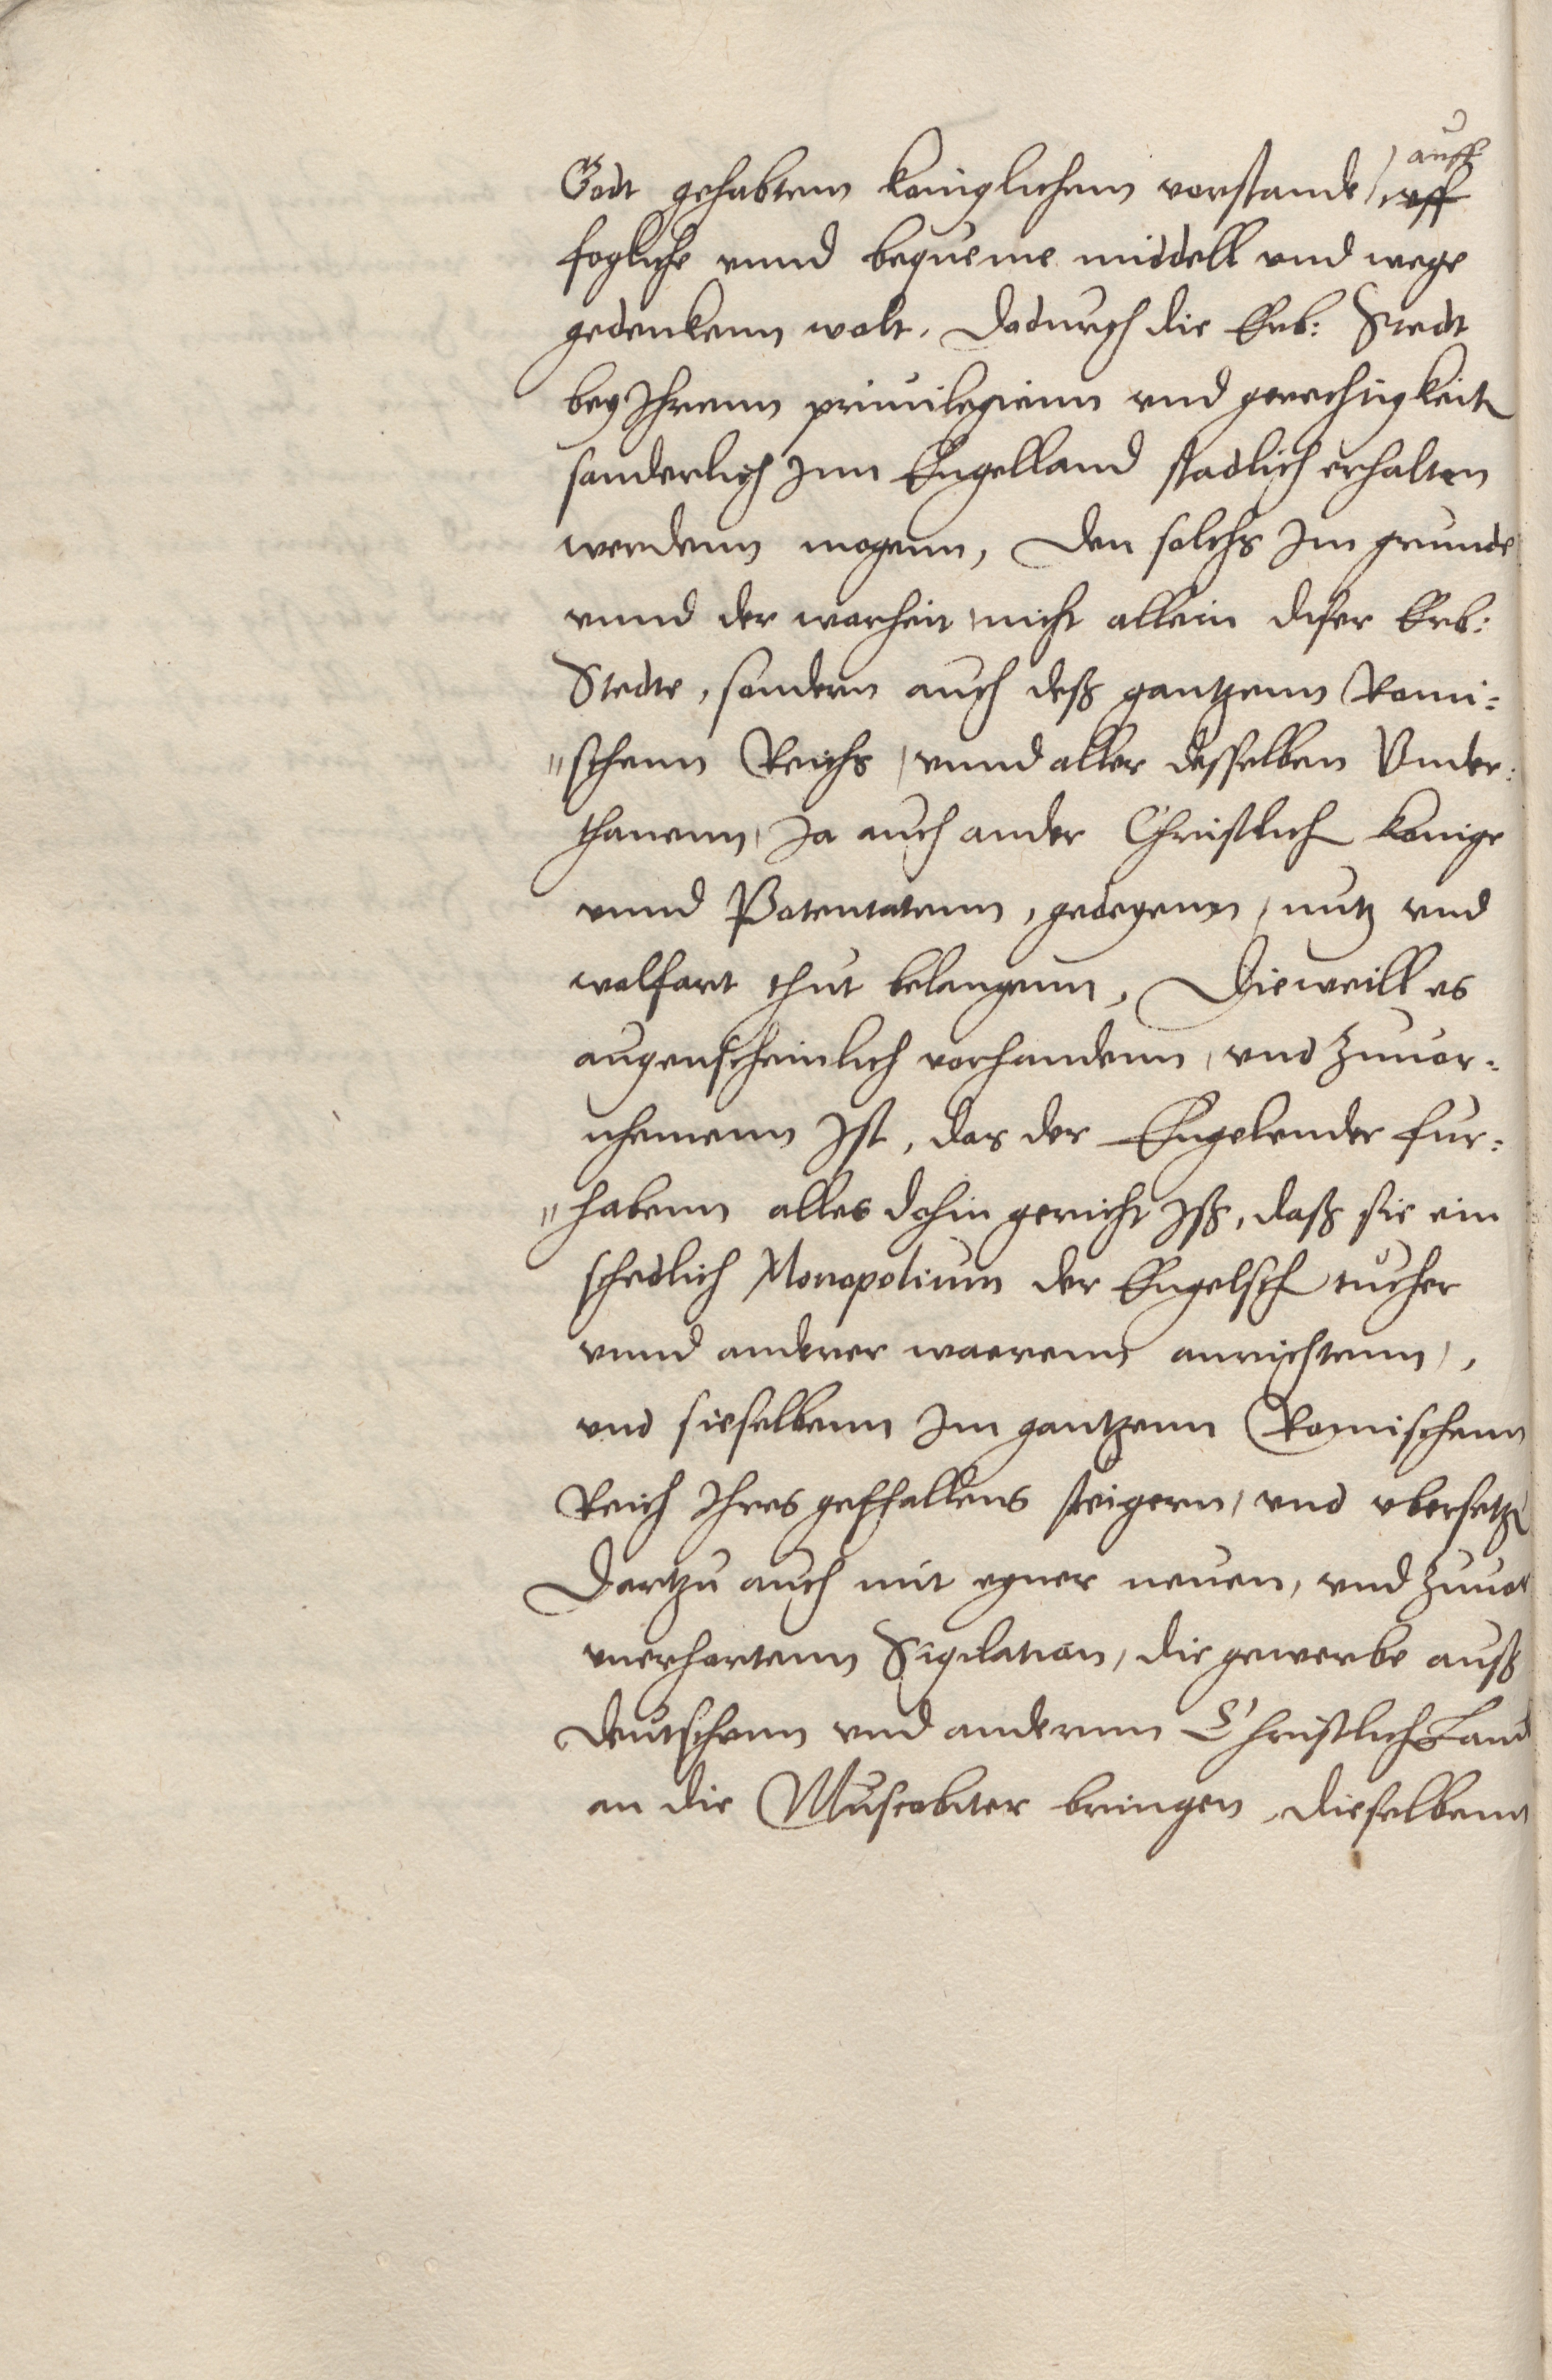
Godt gehabtem koniglichem vorstande vff auff
fogliche vnnd bequeme middell vnd wege
gedenkenn wolt, Dadurch die Erb: Stedt
bey jhrenn priuilegienn vnd gerechtigkeiten
sonderlich jnn Engelland stadlich erhalten
werdenn mogenn, Den solchs jm grunde
vnnd der warheit nicht allein diser Erb:
Stedte, sondern auch deß gantzenn Romi¬
schenn Reichs, vnnd aller desselben Vnder¬
thanenn, ja auch ander Christlichen konige
vnnd Potentatenn, gedeyenn, nutz vnd
wolfart thut belangenn, Dieweill es
augenscheinlich vorhandenn, vnd zuuor¬
nhemenn jst, das der Engelender fur¬
habenn alles dohin gericht jß, daß sie ein
schedlich Monopolium der Engelschen tucher
vnnd anderer waerenn anrichtenn,
vnd sieselbenn jm gantzenn Romischenn
Reich jhres gefhallens steigern, vnd vbersetzen
Dartzu auch mit eyner neuen, vnd zuuor
vnerhortenn Sigilation, die gewerbe auß
Deutschenn vnd andernn Christlichen Landen
an die Muscobiter bringen, dieselbenn
